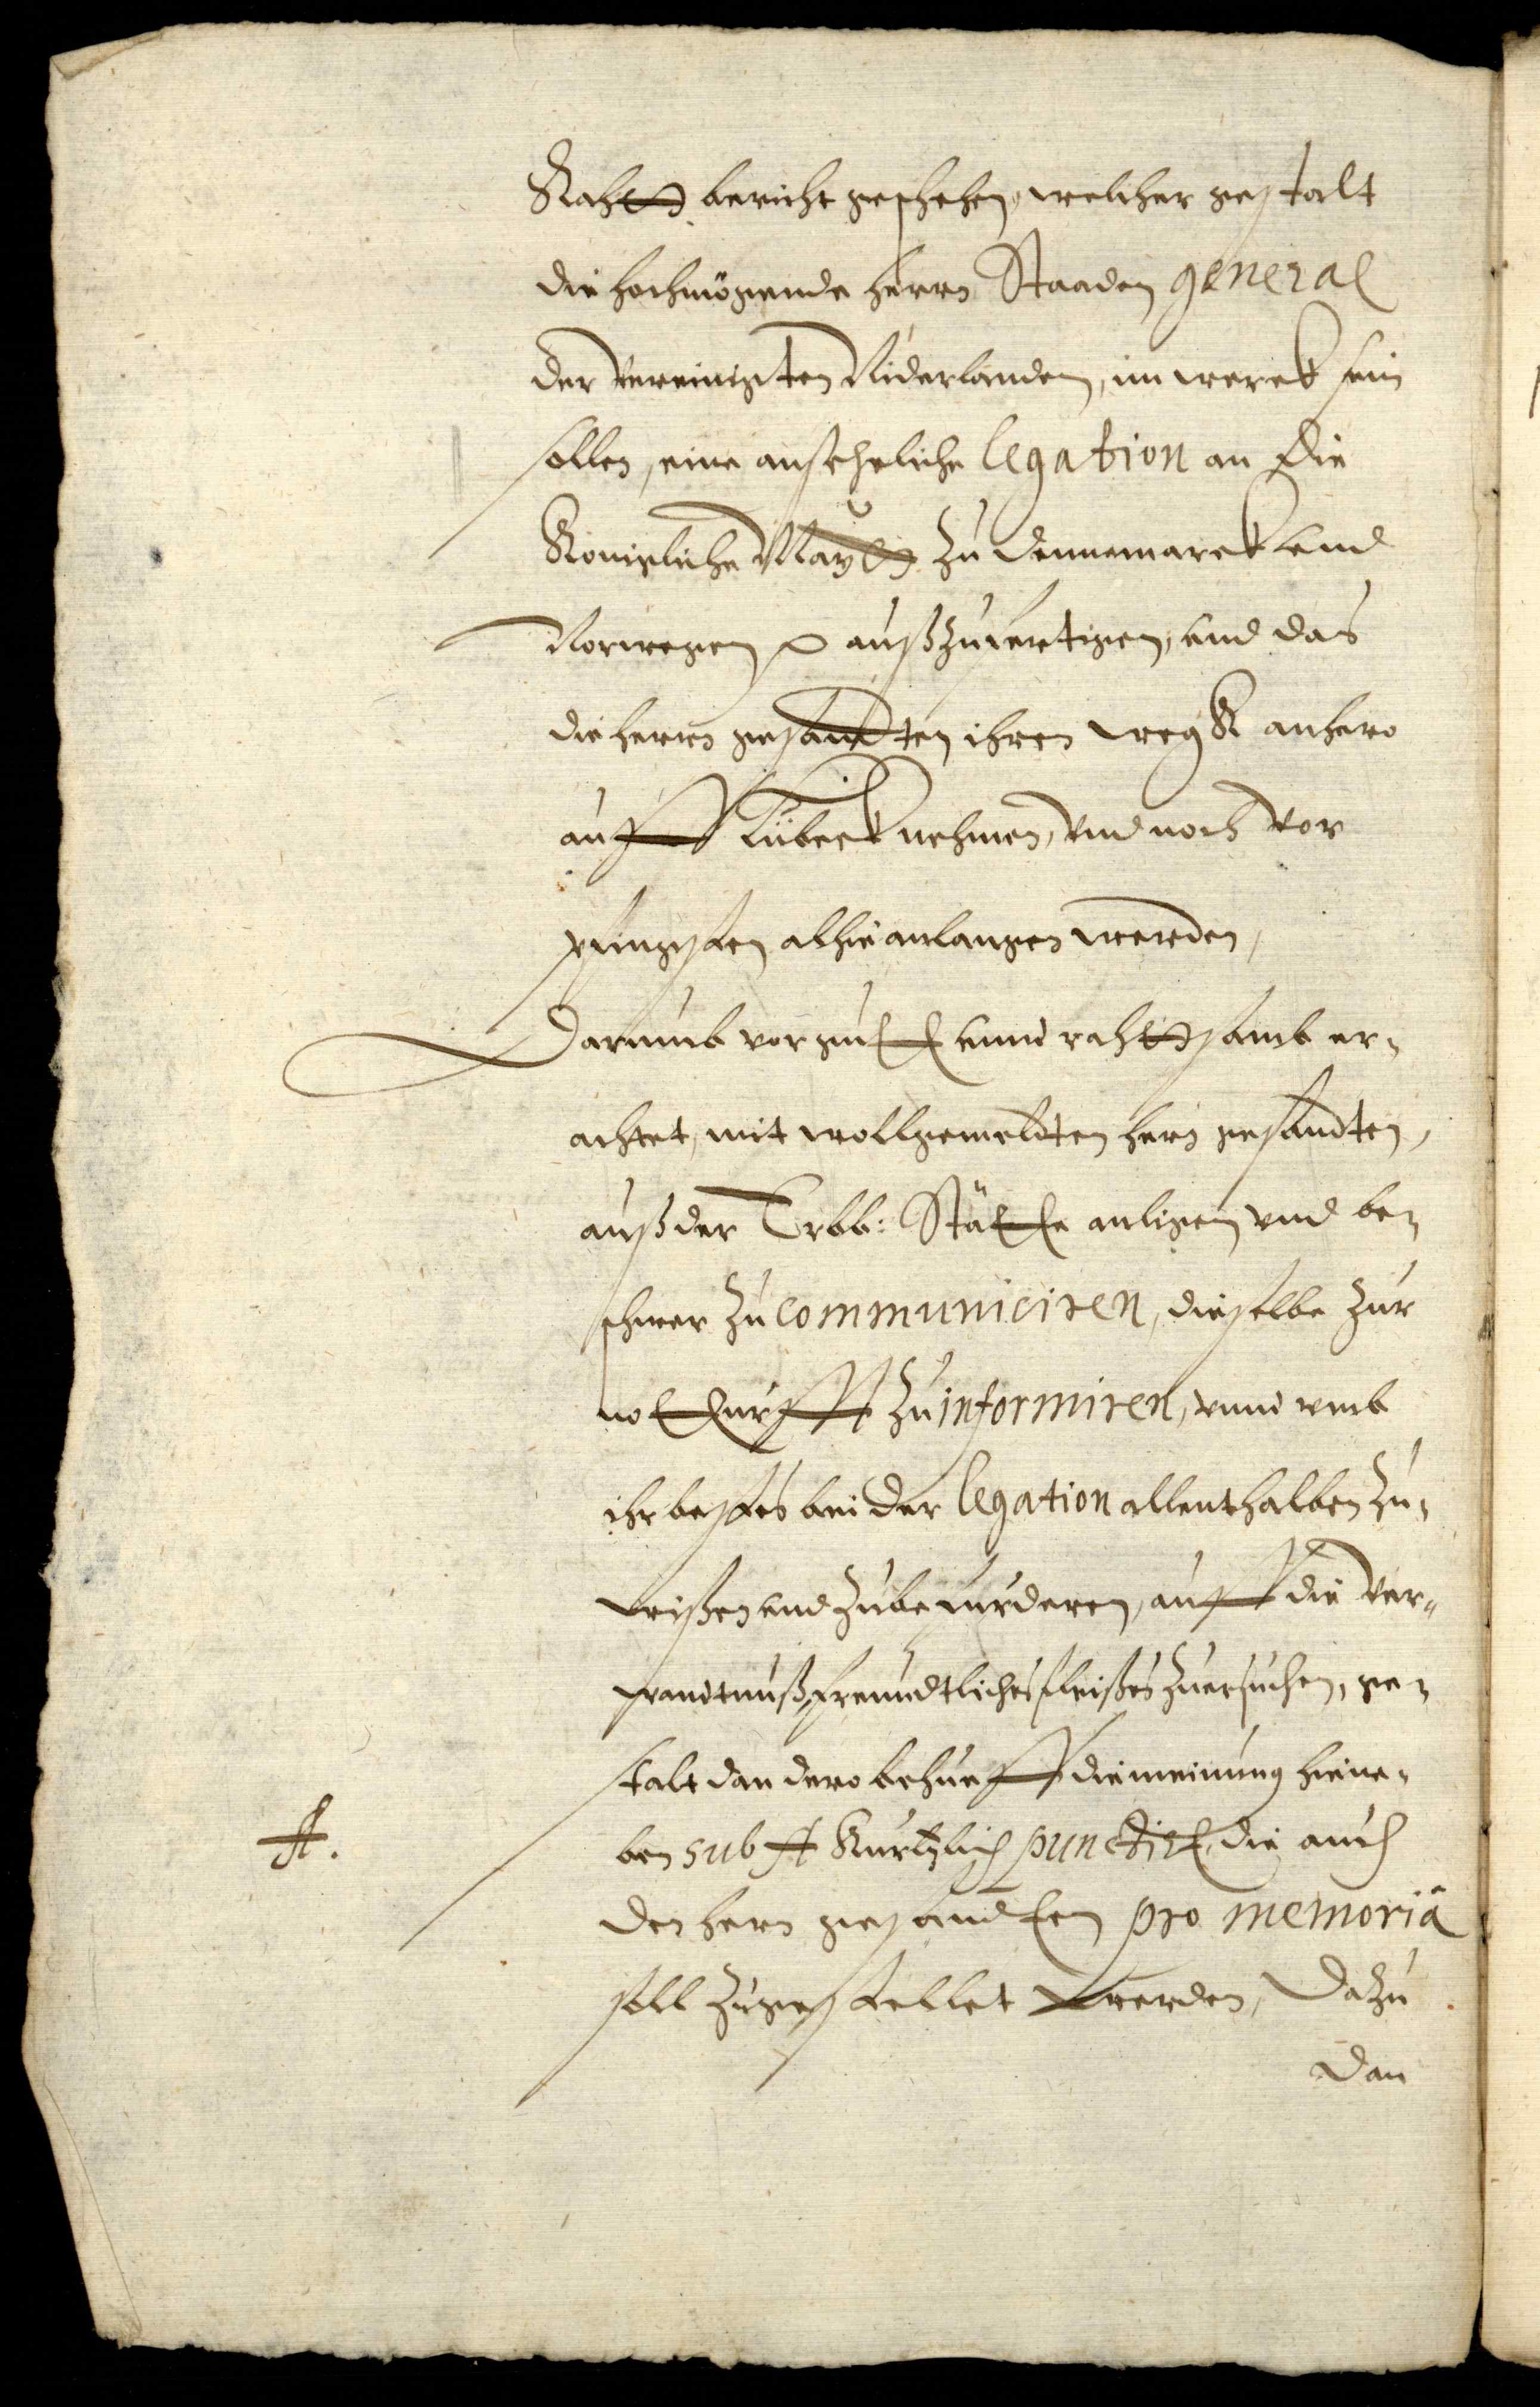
A.
Rahtt bericht geschehen welcher gestalt
die hochmögende herrn Staaden general
der Vereinigten Niderlanden, im werck sein
sollen, eine anseheliche legation an die
Konigliche Maytt Zu Dennemarck vnd
Norwegen p außZufertigen, vnd das
die herrn gesandten ihren wegk anhero
auff Lübeck nehmen, Vnd noch Vor
pfingsten alhie anlangen werden,
Darumb vor gutt vnnd rahttsamb er¬
achtet, mit wollgemeldten hern gesandten,
auß der Erbb: Stätte anligen vnd be¬
schwer Zu communiciren, dieselbe Zur
notturfft Zu informiren, vnnd vmb
ihr bestes bei der legation allenthalben Zu¬
wißen vnd Zubefurderen, auff die Ver¬
wandtnuß, freundtliches fleißes Zuersuchen, ge¬
stalt dan dero behueff die meinung hiene¬
ben sub A kurztlich punctirt, die auch
den hern gesandten pro memoria
soll zugestellet werden, daZu
dan
